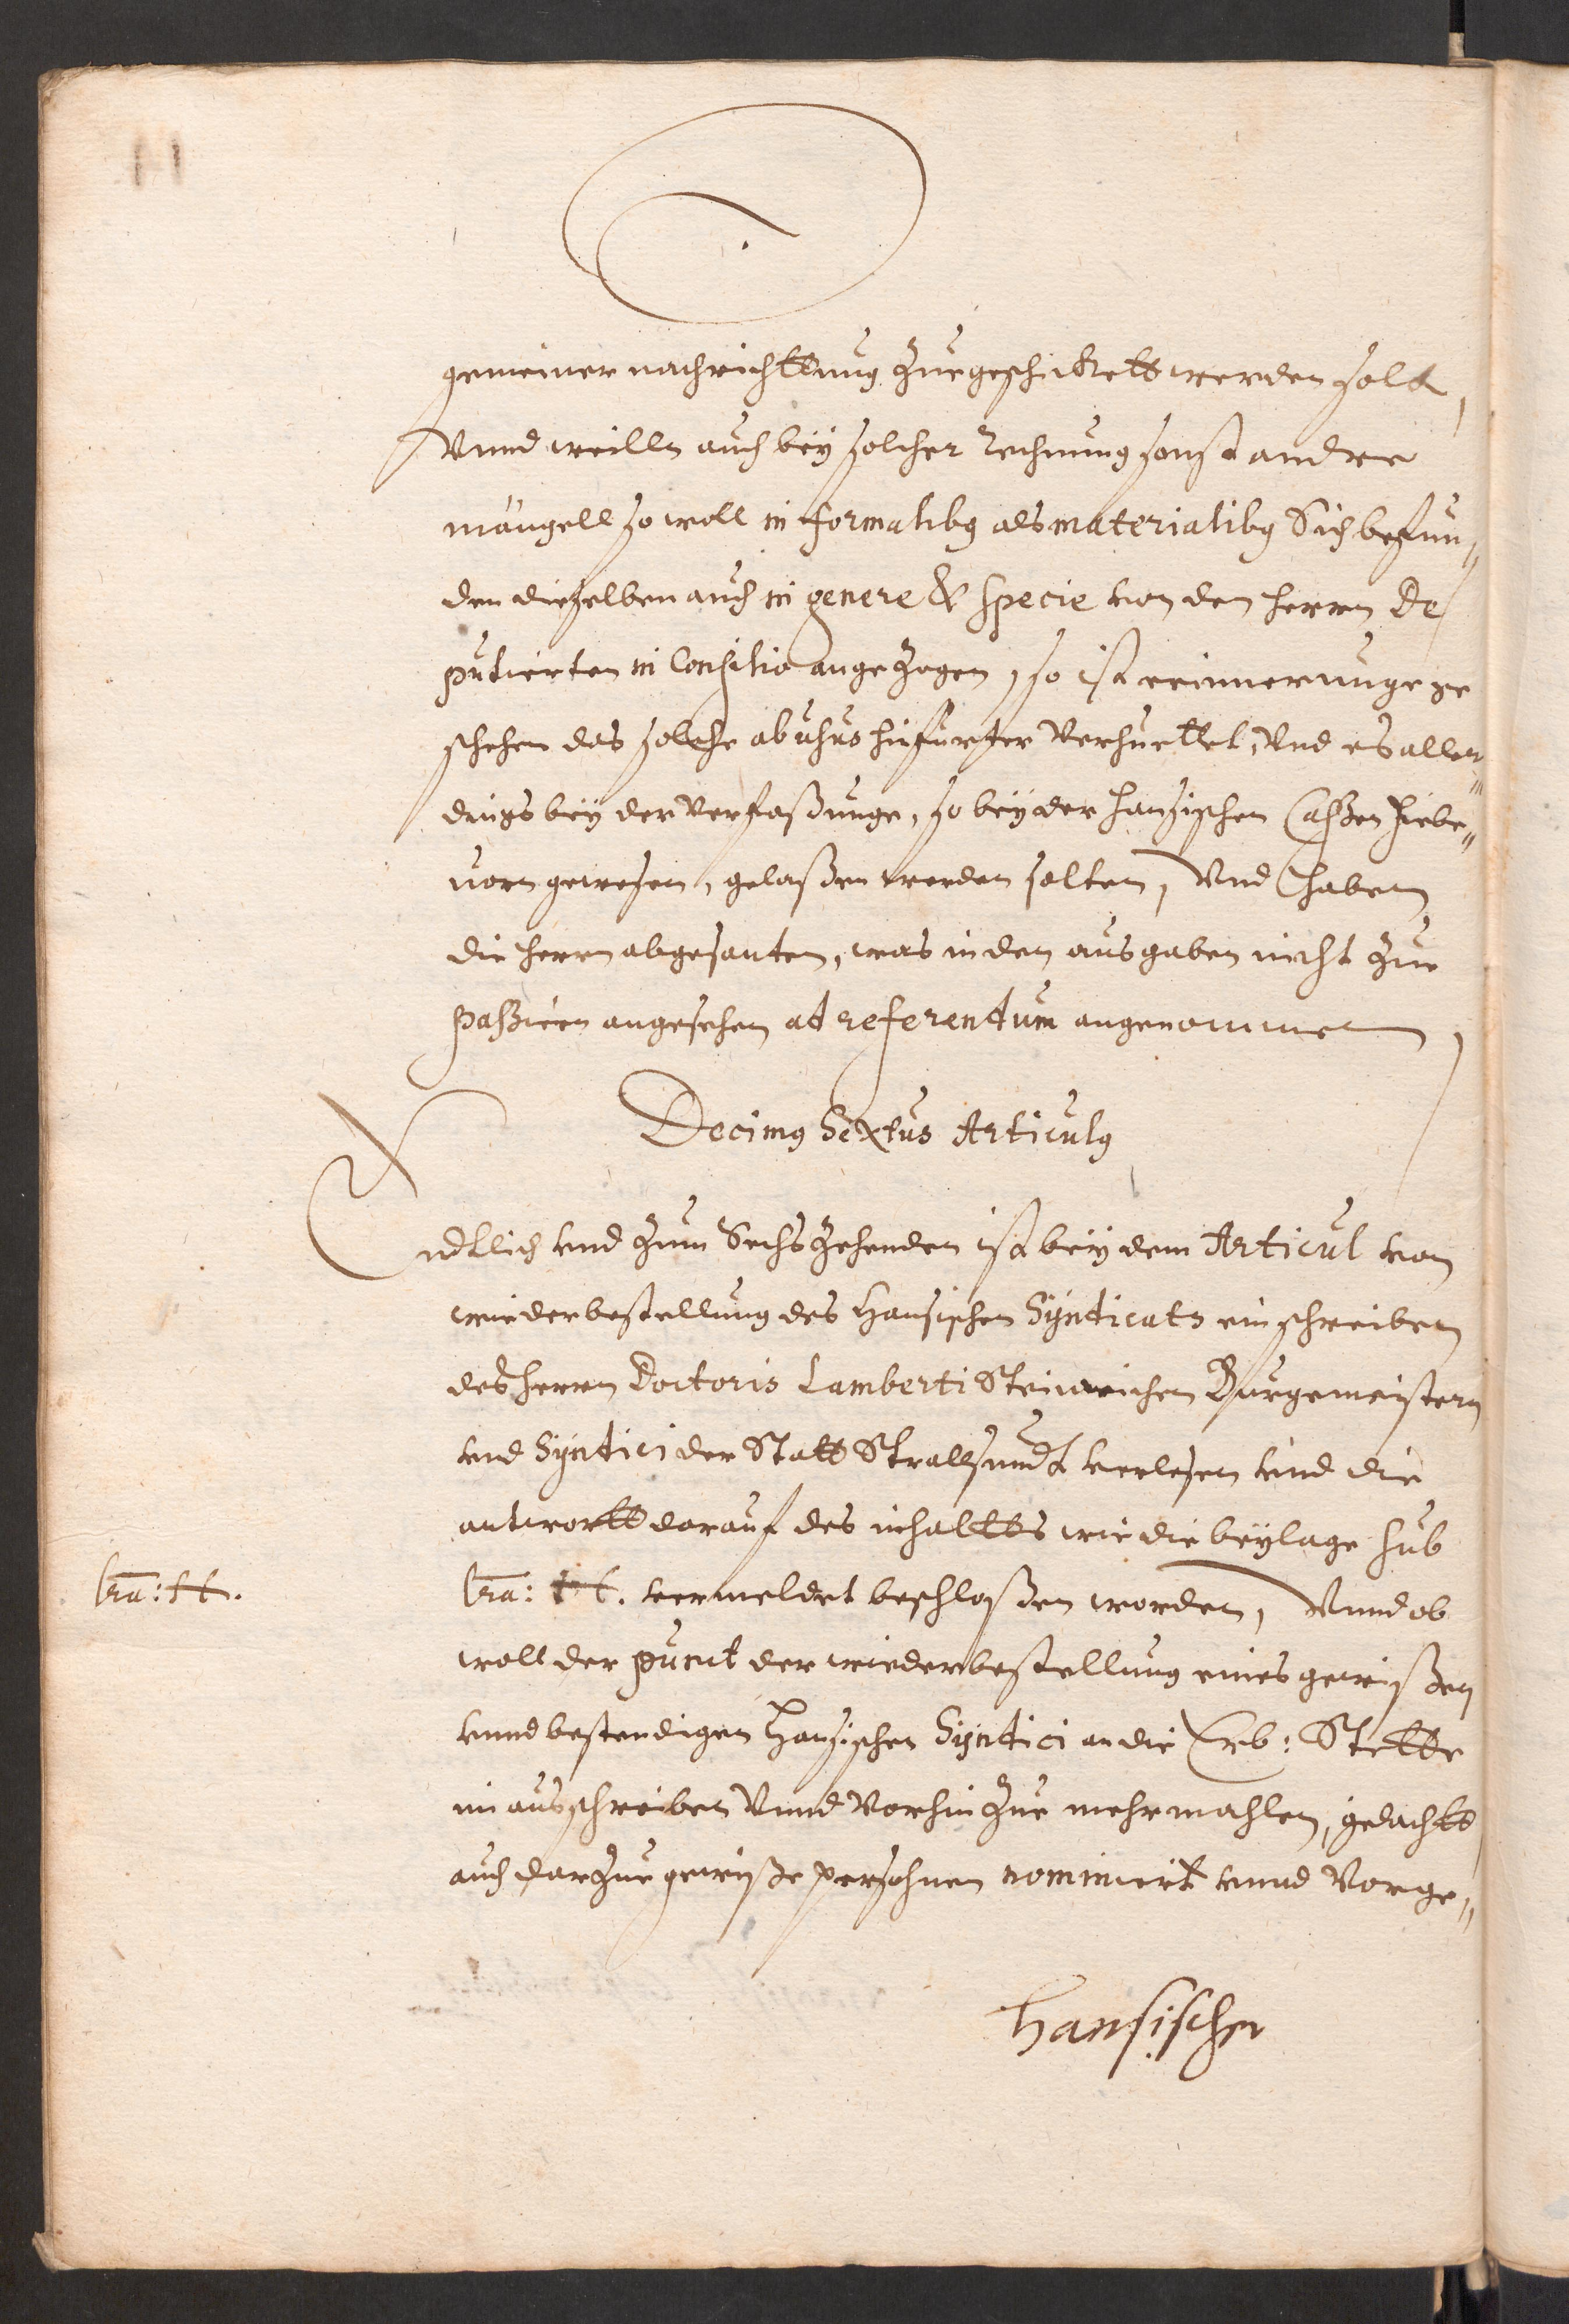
gemeiner nachrichttung zuegeschickett werden solt,
Vnnd weilln auch beij solcher rechnung sonst andre
mängell so woll in formalibus als materialibus Sich befun¬
den dieselben auch in genere & specie von den herrn De
putierten in Consilio angezogen, so ist erinnerunge ge
schehen das solche ab usus hinfurter verhuettet, vnd es aller¬
dings beij der verfaßunge, so beij der hansischen Cassen hiebe¬
uorn gewesen, gelaßen werden solten, Vnd haben
die herrn abgesanten, was in den ausgaben nicht zue
passiern angesehen ad referendum angenommen
Decimus Sextus Articulus
Endtlich vnd zum Sechszehenden ist beij dem Articul von
wiederbestellung des Hansischen Sijndicats ein schreiben
des herrn Doctoris Lamberti Steinwichen Burgermeistern
vnd Syndici der Statt Strallsundt verlesen vnd die
antwortt dorauf des inhaltts wie die beijlage sub
littera H. vermeldet beschloßen worden, Vnnd ob
woll der punct der wiederbestellung eines gewißen
vnnd bestendigen Hansischen Syndici an die Erb: Stette
im ausschreiben Vnnd Vorhin zue mehrmahlen, gedachtt,
auch darzue gewiße persohnen nominiert vnnd vorge¬
littera H.
Hansischer
